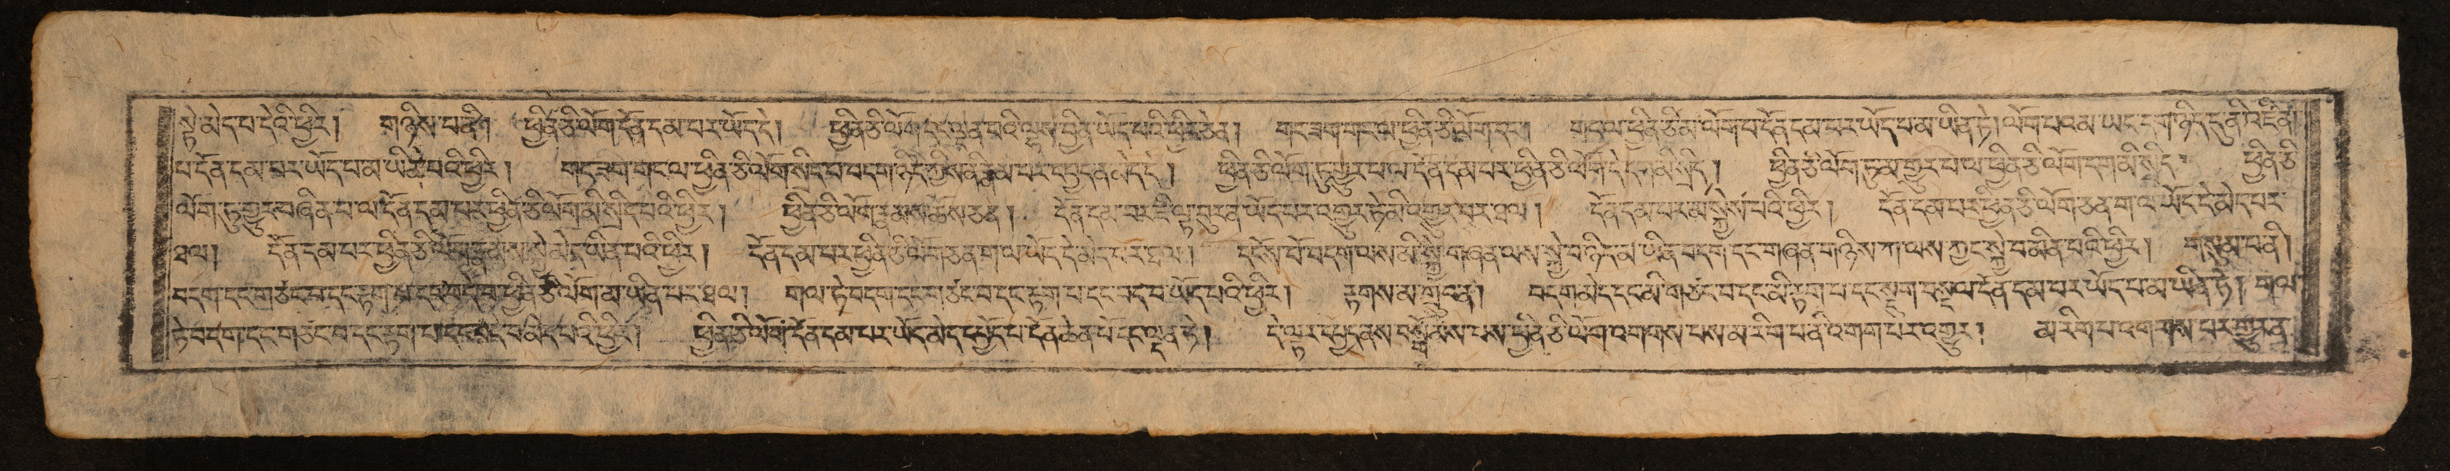སྟེ་མེད་པ་དེའི་ཕྱིར། གཉིས་པ་ནི། ཕྱིན་ཅི་ལོག་དོན་དམ་པར་ཡོད་དེ། ཕྱིན་ཅི་ལོག་དང་ལྡན་པའི་ལྷས་བྱིན་ཡོད་པའི་ཕྱིར་ཅེ་ན། གང་ཟག་གང་ལ་ཕྱིན་ཅི་ལོག་དང་། གང་ལ་ཕྱིན་ཅི་མ་ལོག་པ་དོན་དམ་པར་ཡོད་པ་མ་ཡིན་ཏེ། ལོག་པའམ་ཡང་དག་ཉིད་དུ་ནི་འཛིན་
པ་དོན་དམ་པར་ཡོད་པ་མ་ཡིན་པའི་ཕྱིར། གང་ཟག་གང་ལ་ཕྱིན་ཅི་ལོག་སྲིད་པ་བདག་ཉིད་ཀྱིས་ནི་རྣམ་པར་དཔྱད་ན་མེད་དེ། ཕྱིན་ཅི་ལོག་ཏུ་གྱུར་པ་ལ་དོན་དམ་པར་ཕྱིན་ཅི་ལོག་དེ་དག་མི་སྲིད། ཕྱིན་ཅི་ལོག་ཏུ་མ་གྱུར་པ་ལ་ཕྱིན་ཅི་ལོག་དག་མི་སྲིད་ཕྱིན་ཅི་
ལོག་ཏུ་གྱུར་བཞིན་པ་ལ་དོན་དམ་པར་ཕྱིན་ཅི་ལོག་མི་སྲིད་པའི་ཕྱིར། ཕྱིན་ཅི་ལོག་རྣམས་ཆོས་ཅན། དོན་དམ་པར་ཇི་ལྟ་བུར་ན་ཡོད་པར་འགྱུར་ཏེ་མི་འགྱུར་བར་ཐལ། དོན་དམ་པར་མ་སྐྱེས་པའི་ཕྱིར། དོན་དམ་པར་ཕྱིན་ཅི་ལོག་ཅན་ག་ལ་ཡོད་དེ་མེད་པར་
ཐལ། དོན་དམ་པར་ཕྱིན་ཅི་ལོག་རྣམས་སྐྱེ་མེད་ཡིན་པའི་ཕྱིར། དོན་དམ་པར་ཕྱིན་ཅི་ལོག་ཅན་ག་ལ་ཡོད་དེ་མེད་པར་ཐལ། དངོས་པོ་བདག་ལས་མི་སྐྱེ་གཞན་ལས་སྐྱེ་བ་ཉིད་མ་ཡིན་བདག་དང་གཞན་གཉིས་ཀ་ལས་ཀྱང་སྐྱེ་བ་མིན་པའི་ཕྱིར། གསུམ་པ་ནི།
བདག་དང་གཙང་བ་དང་རྟག་པ་དང་བདེ་བ་ཕྱིན་ཅི་ལོག་མ་ཡིན་པར་ཐལ། གལ་ཏེ་བདག་དང་གཙང་བ་དང་རྟག་པ་དང་བདེ་བ་ཡོད་པའི་ཕྱིར། རྟགས་མ་གྲུབ་ན། བདག་མེད་དང་མི་གཙང་བ་དང་མི་རྟག་པ་དང་སྡུག་བསྔལ་དོན་དམ་པར་ཡོད་པ་མ་ཡིན་ཏེ། གལ་
ཏེ་བདག་དང་གཅང་བ་དང་རྟག་པ་དང་བདེ་བ་མེད་པའི་ཕྱིར། ཕྱིན་ཅི་ལོག་དོན་དམ་པར་ཡོད་མེད་དཔྱོད་པ་དོན་ཆེན་པོ་དང་ལྡན་ཏེ། དེ་ལྟར་དཔྱད་ནས་བསྒོམས་པས་ཕྱིན་ཅི་ལོག་འགགས་པས་མ་རིག་པ་ནི་འགག་པར་འགྱུར། མ་རིག་པ་འགགས་པར་གྱུར་ན་